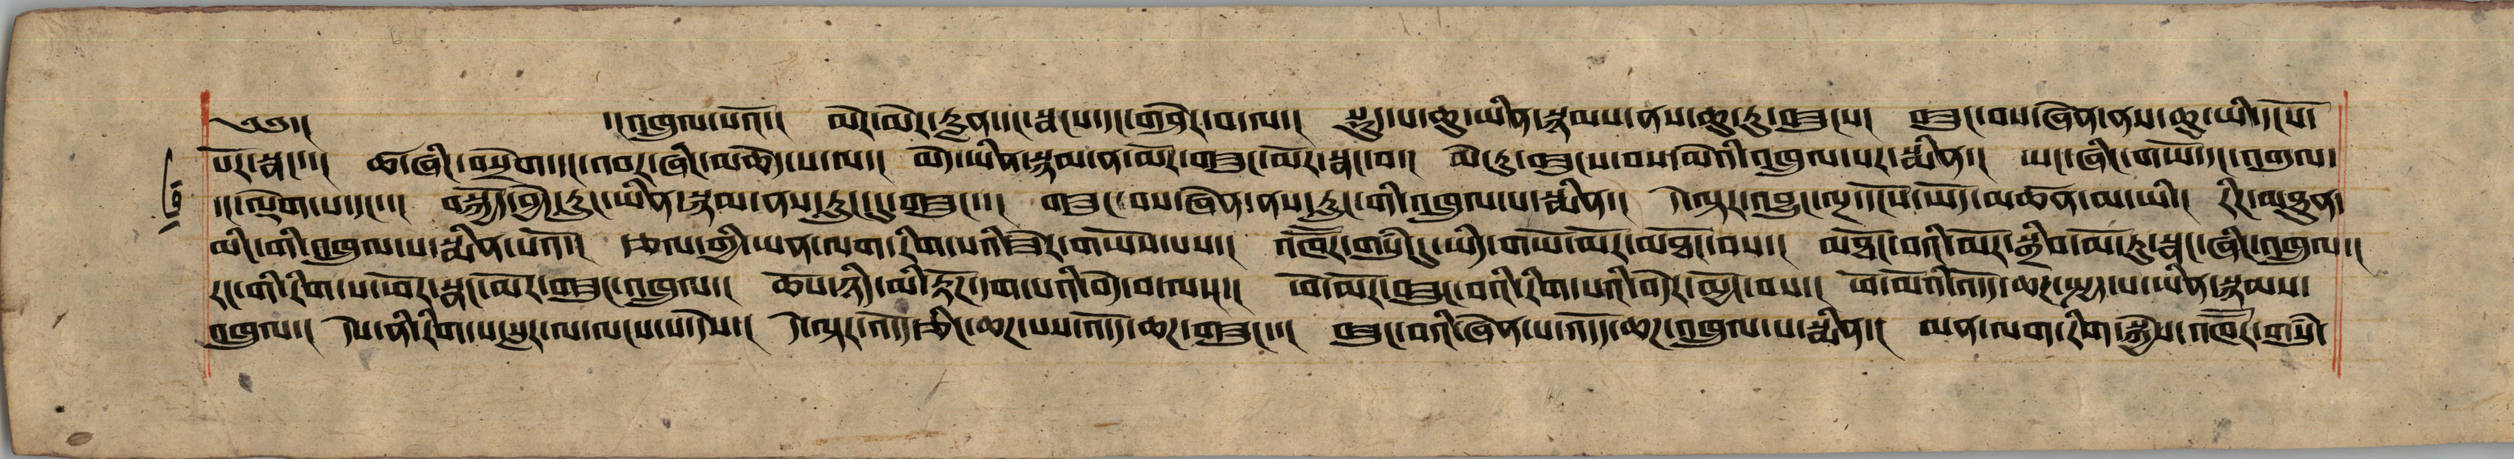༄༅་། ་།འཁྲུལ་པའོ་། མེར་མེར་རླན་དང་སྦངས་དང་གཤེར་བ་ལ་། སྡུད་པ་ཆུ་ཡིན་སྙམས་ནས་ཆུ་རུ་གཟུངས། བཟུང་བས་ཞེན་ནས་ཆུ་ཡི་དངོས་
པོར་སྣང་་། ཚ་ཞིང་བསྲེགས་དང་འབར་ཞིང་མཆོད་པ་ལ་། མེད་ཡིན་སྙམ་ན་མོར་གཟུང་མོར་སྣང་བ་། མེ་རུ་བཟུངས་བས་མེའི་འཁྲུལ་པར་སྨིན་། ཡང་ཞིང་གཡོ་དང་འགུལ་
དང་ལྡོག་པ་དང་་། བསྐྱོད་བྱེད་རུང་ཡིན་སྙམ་ནས་རླུང་དུ་གཟུང་་། གཟུང་བས་ཞེན་ནས་རླུང་གི་འཁྲུལ་པ་སྨིན་། དེ་ལྟར་འབྱུང་ལྔ་དངོས་ཡོད་མཚན་མ་ཡི་། རིཌ་མཐུན་
མིང་གི་འཁྲུལ་པ་སྨིན་པའོ་། རྩལ་གྱི་ཡན་ལག་རིག་པའི་ཟེར་གཡོས་པས་། འཁཽར་གསུཾ་དུ་ཡིད་གཡོ་མོར་མཐོང་བས་། མཐོང་བའི་མོར་སྒྲིབ་མོ་རུ་སྣང་ཞིང་འཁྲུལ་།
རང་གི་རིག་པ་ཕོར་སྣང་མོར་གཟུང་འཁྲུལ་། ཆོས་ཉིད་མི་རྟོཌ་དག་པའི་བདེ་བ་ལས་། ཕོ་མོར་བཟུང་བའི་རིག་པའི་བདེར་མྱོང་བས་། ཕོ་མོའི་འོདད་ཆཌ་སྤྱད་པ་ཡིན་སྙམས་
འཁྲུལ་། དེས་ནི་རིག་པ་སླར་ལ་ལངས་པ་དེས་། དེ་ལྟར་འདོད་ཅིང་ཆཌ་པས་འོདད་ཆཌ་གཟུང་་། བཟུང་བའི་ཞེན་པ་འདོད་ཆཌ་འཁྲུལ་པ་སྨིན་། ཡན་ལག་རིག་སྐྱེས་འཁཽར་གསུཾ་།